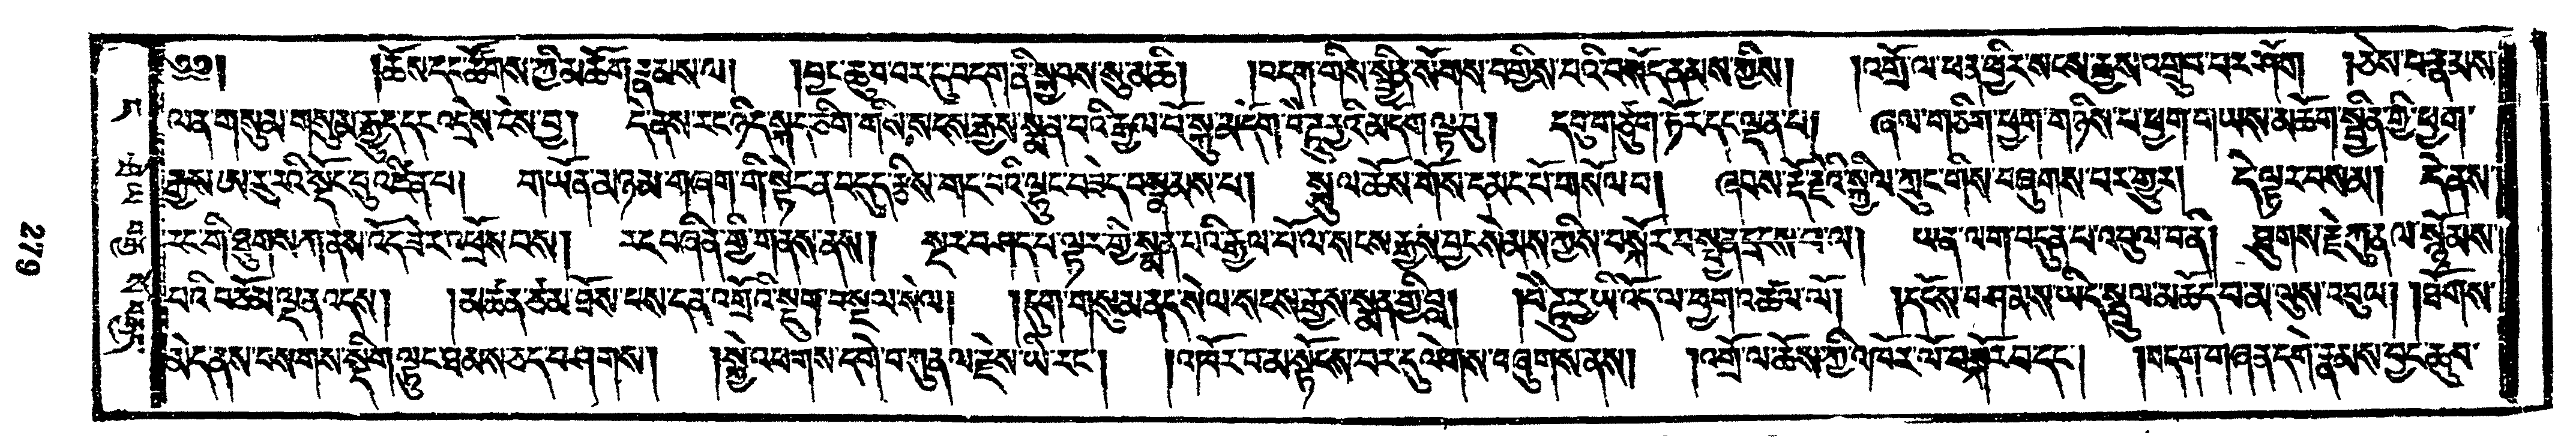༄༅། །ཆོས་དང་ཚོགས་ཀྱི་མཆོག་རྣམས་ལ། །བྱང་ཆུབ་བར་དུ་བདག་ནི་སྐྱབས་སུ་མཆི། །བདག་གིས་སྦྱིན་སོགས་བགྱིས་པའི་བསོད་ནམས་ཀྱིས། །འགྲོ་ལ་ཕན་ཕྱིར་སངས་རྒྱས་འགྲུབ་པར་ཤོག །ཅེས་བ་རྣམས་
ལན་གསུམ་གསུམ་རྒྱུད་དང་འདྲེས་ངེས་བྱ། དེ་ནས་རང་ཉིད་སྐད་ཅིག་གིས་སངས་རྒྱས་སྨན་པའི་རྒྱལ་པོ་སྐུ་མདོག་བཻཌཱུརྱའི་མདོག་ལྟ་བུ། དབུ་གཙུག་ཏོར་དང་ལྡན་པ། ཞལ་གཅིག་ཕྱག་གཉིས་པ་ཕྱག་གཡས་མཆོག་སྦྱིན་གྱི་ཕྱག་
རྒྱས་ཨ་རུ་རའི་སྡོང་བུ་འཛིན་པ། གཡོན་མཉམ་གཞག་གི་སྟེང་ན་བདུད་རྩིས་གང་བའི་ལྷུང་བཟེད་བསྣམས་པ། སྐུ་ལ་ཆོས་གོས་དམང་པོ་གསོལ་བ། ཞབས་རྡོ་རྗེའི་སྐྱིལ་ཀྲུང་གིས་བཞུགས་པར་གྱུར། དེ་ལྟར་བསམ། དེ་ནས་
རང་གི་ཐུགས་ཀ་ནས་འོད་ཟེར་འཕྲོས་པས། རང་བཞིན་གྱི་གནས་ནས། སྔར་བཤད་པ་ལྟར་གྱི་སྨན་པའི་རྒྱལ་པོ་ལ་སངས་རྒྱས་བྱང་སེམས་ཀྱིས་བསྐོར་བ་སྤྱན་དྲངས་བ་ལ། ཡན་ལག་བདུན་པ་འབུལ་བ་ནི། ཐུགས་རྗེ་ཀུན་ལ་སྙོམས་
པའི་བཅོམ་ལྡན་འདས། །མཚན་ཙམ་ཐོས་པས་ངན་འགྲོའི་སྡུག་བསྔལ་སེལ། །དུག་གསུམ་ནད་སེལ་སངས་རྒྱས་སྨན་གྱི་བླ། །བེཌཱུརྱ་ཡི་འོད་ལ་ཕྱག་འཚལ་ལོ། །དངོས་བཤམས་ཡིད་སྤྲུལ་མཆོད་པ་མ་ལུས་འབུལ། །ཐོགས་
མེད་ནས་བསགས་སྡིག་ལྟུང་ཐམས་ཅད་བཤགས། །སྐྱེ་འཕགས་དགེ་བ་ཀུན་ལ་རྗེས་ཡི་རང་། །འཁོར་བ་མ་སྟོངས་བར་དུ་ལེགས་བཞུགས་ནས། །འགྲོ་ལ་ཆོས་ཀྱི་འཁོར་ལོ་བསྐོར་བ་དང་། །བདག་གཞན་དགེ་རྣམས་བྱང་ཆུབ་